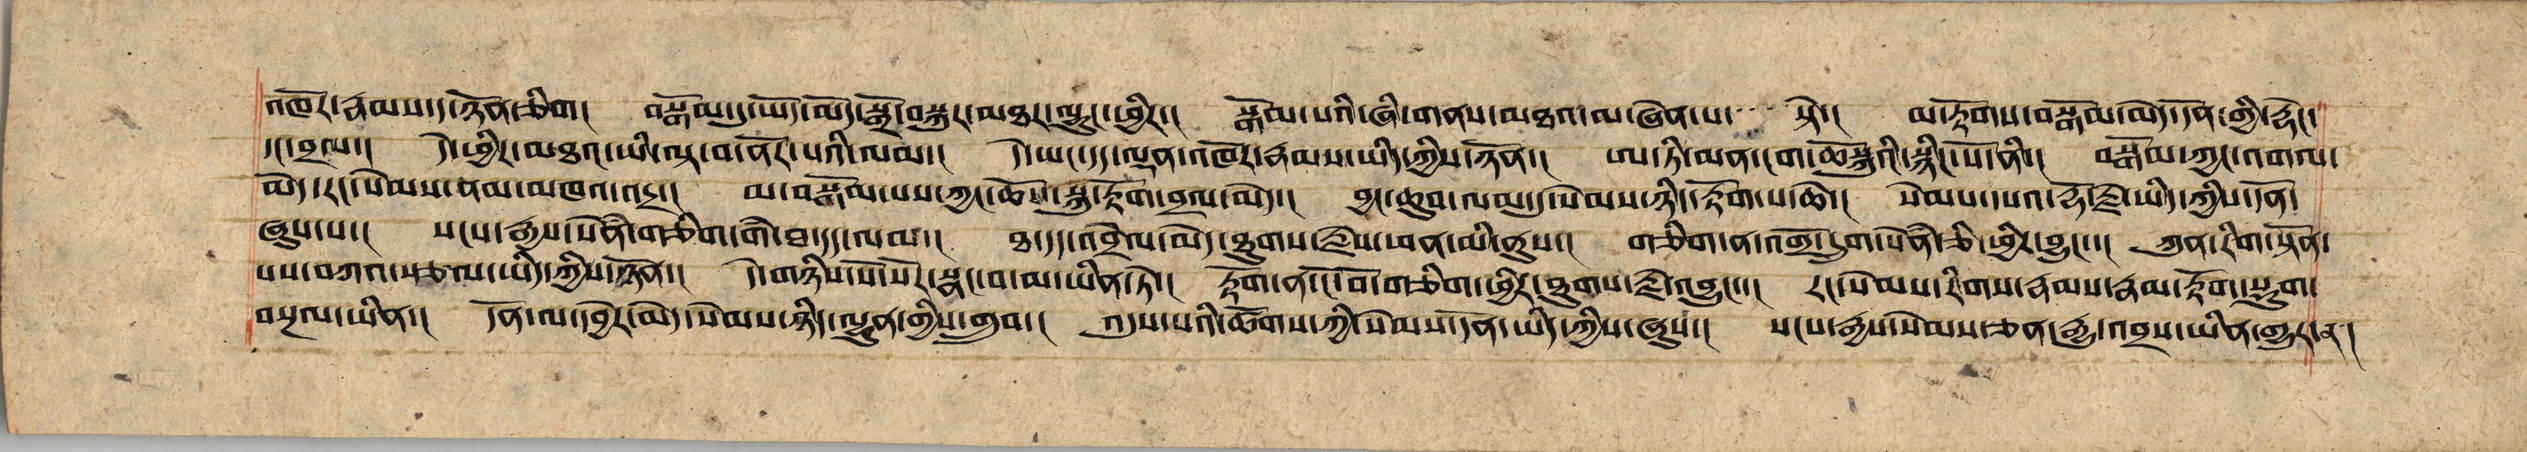འཁོར་རྣམས་ད་ཉོན་ཅིག། བསྒོམ་དུ་ཡོད་མོད་སྒྲོ་བསྐུར་མཐར་ལྟུང་ཕྱིར་། སྒོམ་པའི་ཞི་གནས་མཐའ་མ་ཞེས་པ་ སྟེ་། མ་་རྟོགས་བསྒོམ་མེད་དོན་གྱི་རྡེང་
དང་བྲལ་། དེ་ཕྱིར་མཐའ་ཡི་ལྟ་བ་ནོར་པའི་ལམ་། དེ་ཡང་དད་ལྡན་འཁོར་རྣམས་ཡིད་ཀྱིས་ཉོན་། ཨ་ཏི་མན་ངག་ཆོསྐུའི་སྙིང་པོ་ནི་། བསྒོམ་ཀྱང་འགལ་
མེད་རང་སེམས་ནམ་མཁའ་འདྲ་། མ་བསྒོམ་པས་ཀྱང་ཆོས་སྐུ་རྟོག་བྲལ་མེད་། བྱང་ཆུབ་ལམ་དུ་སེམས་ཉིད་རྟོག་པ་ཆེ་། སེམས་དཔའ་རྡོ་རྗེ་ཡིད་ཀྱིས་དོན་
ཞུས་པ་། སངས་རྒྱས་སེནཾ་གཅིག་གཾ་ཐ་དད་ལམ་། ཐ་དད་འབྲེལ་མེད་ཐུགས་རྗེས་ཕན་མི་ནུས་། གཅིག་ན་འགྲོ་དྲུག་སེནཾ་ཅི་ཕྱིར་བྱུང་་། ཀུན་རིག་སྟོན་
པས་བཀའ་སྩལ་ཡིད་ཀྱིས་ཉོན་། དེ་གཉིས་སོ་སོར་སྣང་བ་མ་ཡིན་ཏེ་། རྟོག་ན་ངོ་བོ་གཅིག་ཕྱིར་ཐུགས་རྗེ་འབྱུང་་། རང་སེམས་རིགས་རྣམས་རྣམ་རྟོག་སྡུག་
བསྔལ་ཡིན་། དོན་ལ་དབྱེར་མེད་སེམས་ཉིད་ལྷུན་གྱིས་གྲུབ་། འདུས་པའི་ཚོགས་ཀྱི་སེམས་དོན་ཡིད་ཀྱིས་ཞུས་། སངས་རྒྱས་སེམས་ཅན་རྒྱུ་འབྲས་ཡིན་གྱུར་ན་།